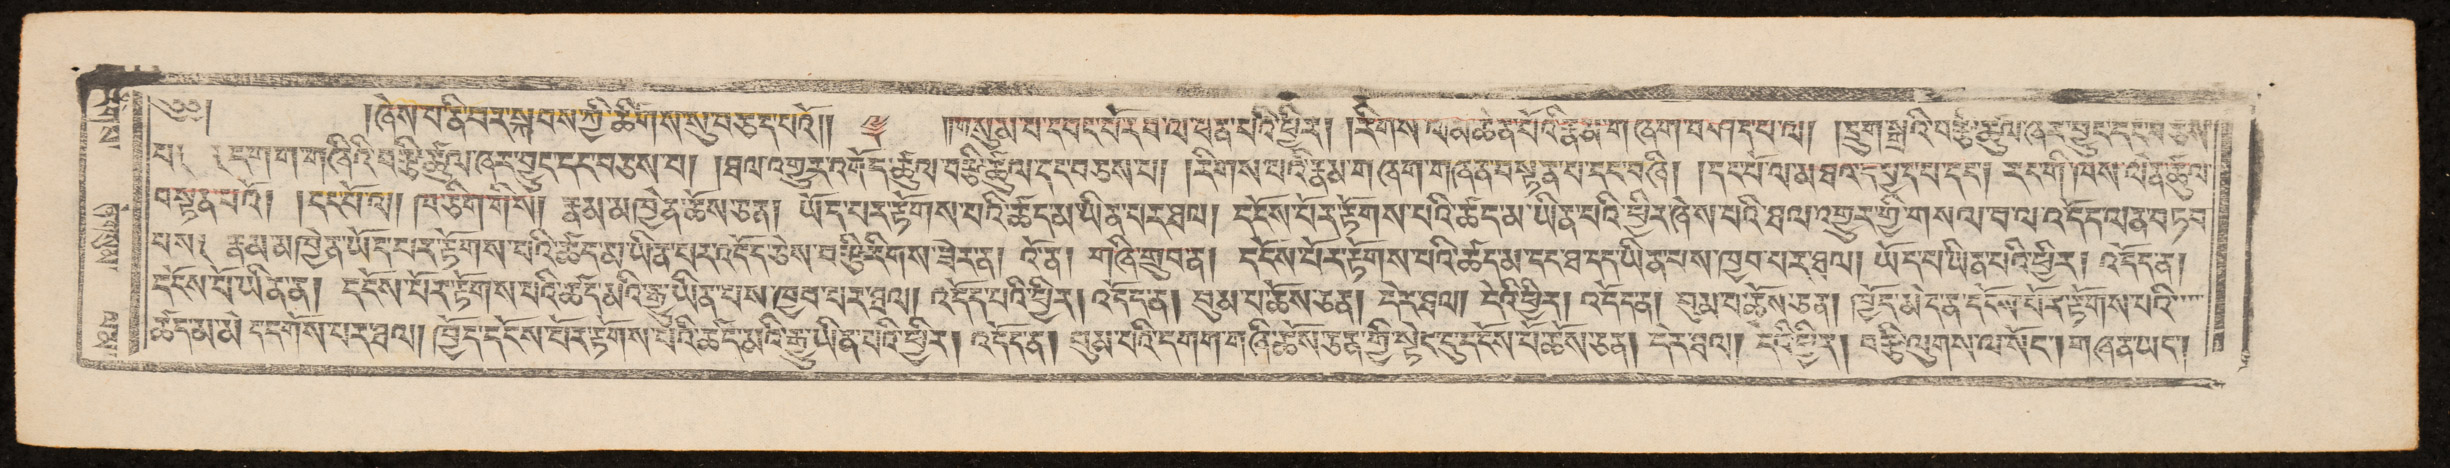༄༅། །ཞེས་པ་ནི་བར་སྐབས་ཀྱི་ཚིགས་སུ་བཅད་པའོ།། །།གསུམ་པ་དབང་པོ་རབ་ལ་ཕན་པའི་ཕྱིར། །རིགས་ལམ་ཆེན་པོའི་རྣམ་གཞག་བཤད་པ་ལ། །དྲུག་སྒྲའི་བརྩི་ཚུལ་ཞར་བྱུང་དང་བཅས་
པ། །དགག་གཞིའི་བརྩི་ཚུལ་ཞར་བྱུང་དང་བཅས་པ། །ཐལ་འགྱུར་འགོད་ཚུལ་བརྩི་ཚུལ་དང་བཅས་པ། །རིགས་པའི་རྣམ་གཞག་གཞན་བསྟན་པ་དང་བཞི། །དང་པོ་ལ་མཐའ་དཔྱད་པ་དང་། རང་གི་ཁས་ལེན་ཚུལ་
བསྟན་པའོ། །དང་པོ་ལ། ཁ་ཅིག་གིས། རྣམ་མཁྱེན་ཆོས་ཅན། ཡོད་པར་རྟོགས་པའི་ཚད་མ་ཡིན་པར་ཐལ། དངོས་པོར་རྟོགས་པའི་ཚད་མ་ཡིན་པའི་ཕྱིར་ཞེས་པའི་ཐལ་འགྱུར་གྱི་གསལ་བ་ལ་འདོད་ལན་བཏབ་
པས། །རྣམ་མཁྱེན་ཡོད་པར་རྟོགས་པའི་ཚད་མ་ཡིན་པར་འདོད་ཅེས་བརྩི་རིགས་ཟེར་ན། འོ་ན། གཞི་གྲུབ་ན། དངོས་པོར་རྟོགས་པའི་ཚད་མ་དང་ཐ་དད་ཡིན་པས་ཁྱབ་པར་ཐལ། ཡོད་པ་ཡིན་པའི་ཕྱིར། འདོད་ན།
དངོས་པོ་ཡིན་ན། དངོས་པོར་རྟོགས་པའི་ཚད་མའི་རྒྱུ་ཡིན་པས་ཁྱབ་པར་ཐལ། འདོད་པའི་ཕྱིར། འདོད་ན། བུམ་པ་ཆོས་ཅན། ཁྱོད་མེད་ན་དངོས་པོར་རྟོགས་པའི་
ཚད་མ་མེད་དགོས་པར་ཐལ། ཁྱོད་དངོས་པོར་རྟོགས་པའི་ཚད་མའི་རྒྱུ་ཡིན་པའི་ཕྱིར། འདོད་ན། བུམ་པའི་དགག་གཞི་ཆོས་ཅན་གྱི་སྟེང་དུ་དངོས་པོ་ཆོས་ཅན། དེར་ཐལ། དེའི་ཕྱིར། བརྩི་ལུགས་ལ་སོང་། གཞན་ཡང་།